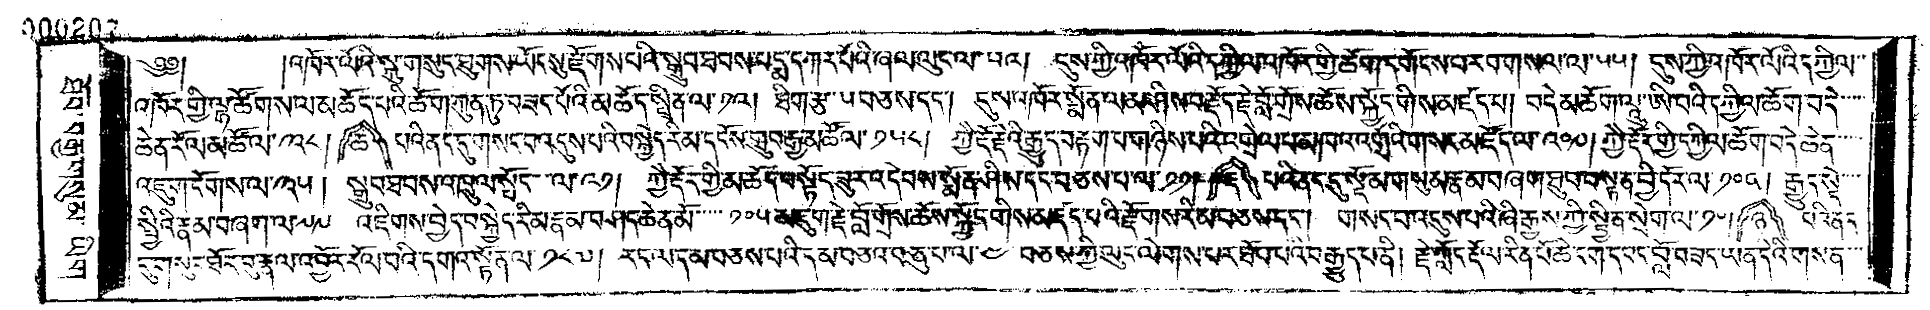༄༅། །འཁོར་ལོའི་སྐུ་གསུང་ཐུགས་ཡོང་སུ་རྫོགས་པའི་སྒྲུབ་ཐབས་པདམ་དཀར་པོའི་ཞལ་ལུང་ལ ༥༢། དུས་ཀྱི་འཁོར་ལོའི་དཀྱིལ་འཁོར་གྱི་ཆོག་དགོངས་པ་རབ་གསལ་ལ ༥༥། དུས་ཀྱི་འཁོར་ལོའི་དཀྱིལ་
འཁོར་གྱི་ལྷ་ཚོགས་ལ་མཆོད་པའི་ཆོ་ག་ཀུན་ཏུ་བཟང་པོའི་མཆོད་སྤྲིན་ལ ༡༢། ཐིག་རྩ ༥་བཅས་དང་། དུས་འཁོར་སྨོན་ལམ་ཤིས་བརྗོད་རྗེ་བློ་གྲོས་ཆོས་སྐྱོང་གིས་མཛད་པ། བདེ་མཆོག་ལཱུ་ཨི་བའི་དཀྱིལ་ཆོག་བདེ་
ཆེན་རོལ་མཚོ་ལ ༣༨། ༼༽ཆ༼༽ པའི་ནང་དུ་གསང་བ་འདུས་པའི་བསྐྱེད་རིམ་དངོས་གྲུབ་རྒྱ་མཚོ་ལ ༡༥༨། ཀྱཻ་རྡོ་རྗེའི་རྒྱུད་བརྟག་པ་གཉིས་པའི་འགྲེལ་པ་མཁའ་འགྲོའི་གསང་མཛོད་ལ ༢༠༧། ཀྱཻ་རྡོར་གྱི་དཀྱིལ་ཆོག་བདེ་ཆེན་
འཇུག་ངོགས་ལ ༣༥། སྒྲུབ་ཐབས་འཁྲུལ་སྤོང་ལ ༢༡། ཀྱཻ་རྡོར་གྱི་མཆོད་བསྟོད་ཟུར་འདེབས་སྨོན་ཤིས་དང་བཅས་པ་ལ ༡༡། ༼༽ཇ༼༽ པའི་ནང་དུ་སྡོམ་གསུམ་རྣམ་བཞག་ཐུབ་བསྟན་བྱི་དོར་ལ ༡༠༥། རྒྱུད་སྡེ་
སྤྱིའི་རྣམ་བཞག་ལ ༧༧་འཇིགས་བྱེད་བསྐྱེད་རིམ་རྣམ་བཤད་ཆེན་མོ ༡༠༥་མཇུག་རྗེ་བློ་གྲོས་ཆོས་སྐྱོང་གིས་མཛད་པའི་རྫོགས་རིམ་བཅས་དང་། གསང་བ་འདུས་པའི་ཞི་རྒྱས་ཀྱི་སྦྱིན་སྲེག་ལ ༡༠། ༼༽ཉ༼༽ པའི་ནད་
དུ་གསུང་ཐོར་བུ་རྣལ་འབྱོར་རོལ་བའི་དགའ་སྟོན་ལ ༡༨༧། རང་ལ་དམ་བཅས་པའི་དམ་བཅའ་བཅུ་པ་ལ ༤་བཅས་ཀྱི་ལུང་ལེགས་པར་ཐོབ་པའི་བརྒྱུད་པ་ནི། རྗེ་ཀློང་རྡོལ་རིན་པོ་ཆེ་ངག་དང་བློ་བཟང་ཡན་དེའི་གསན་